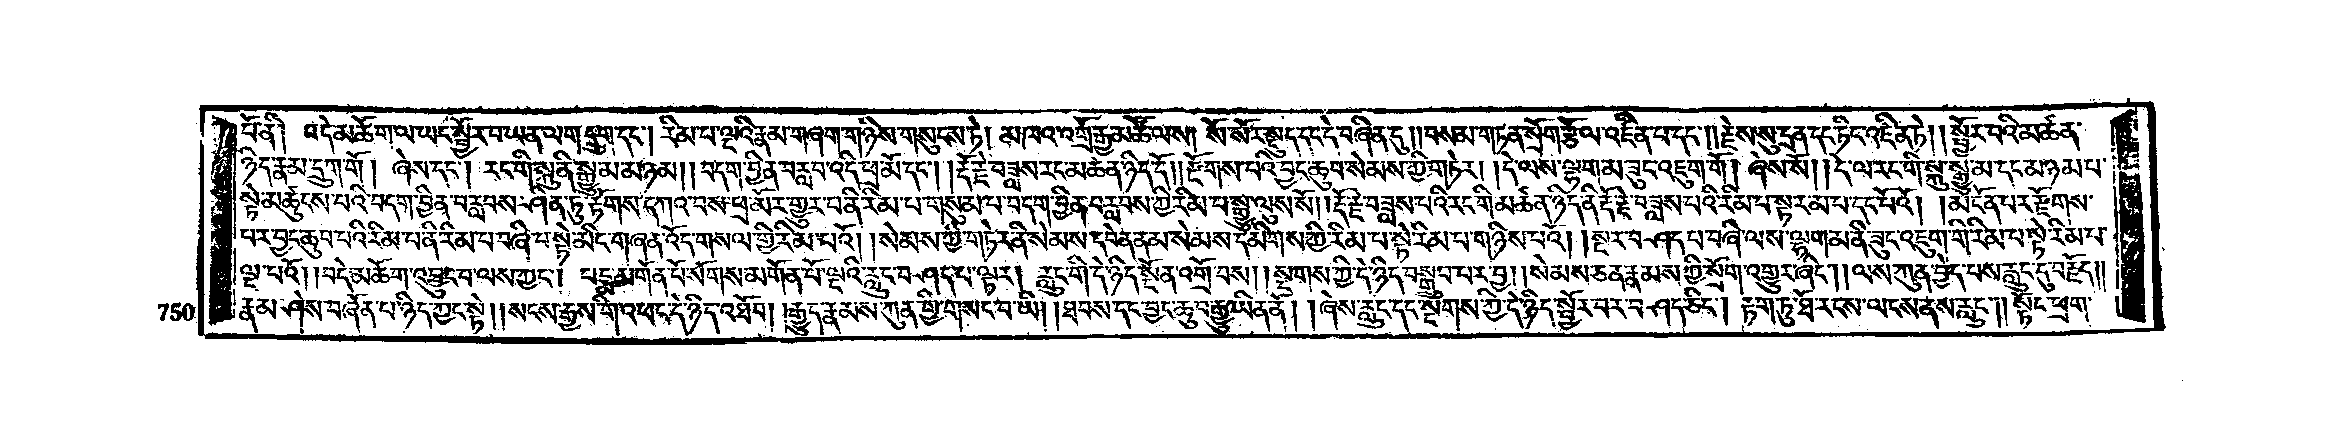པོ་ནི། བདེ་མཆོག་ལ་ཡང་སྦྱོར་བ་ཡན་ལག་དྲུག་དང་། རིམ་པ་ལྔའི་རྣམ་གཞག་གཉིས་གསུངས་ཏེ། མཁའ་འགྲོ་རྒྱ་མཚོ་ལས། སོ་སོར་སྡུད་དང་དེ་བཞིན་དུ། །བསམ་གཏན་སྲོག་རྩོལ་འཛིན་པ་དང་། །རྗེས་སུ་དྲན་དང་ཏིང་འཛིན་ཏེ། །སྦྱོར་བའི་མཚན་
ཉིད་རྣམ་དྲུག་གོ །ཞེས་དང་། རང་གི་སྐུ་ནི་སྒྱུ་མ་མཉམ། །བདག་བྱིན་བརླབ་འདི་ཕྲ་མོ་དང་། །རྡོ་རྗེ་བཟླས་རང་མཚན་ཉིད་དོ། །རྫོགས་པའི་བྱང་ཆུབ་སེམས་ཀྱི་གཏེར། །དེ་ལས་ལྷག་མ་ཟུང་འཇུག་གོ །ཞེས་སོ། །དེ་ལ་རང་གི་སྐུ་སྒྱུ་མ་དང་མཉམ་པ་
སྟེ་མཚུངས་པའི་བདག་བྱིན་བརླབས་ཤིན་ཏུ་རྟོགས་དཀའ་བས་ཕྲ་མོར་གྱུར་བ་ནི་རིམ་པ་གསུམ་པ་བདག་བྱིན་བརླབས་ཀྱི་རིམ་པ་སྒྱུ་ལུས་སོ། །རྡོ་རྗེ་བཟླས་པའི་རང་གི་མཚན་ཉིད་ནི་རྡོ་རྗེ་བཟླས་པའི་རིམ་པ་སྟེ་རིམ་པ་དང་པོའོ། །མངོན་པར་རྫོགས་
པར་བྱང་ཆུབ་པའི་རིམ་པ་ནི་རིམ་པ་བཞི་པ་སྟེ་མིང་གཞན་འོད་གསལ་གྱི་རིམ་པའོ། །སེམས་ཀྱི་གཏེར་ནི་སེམས་དབེན་ནམ་སེམས་དམིགས་ཀྱི་རིམ་པ་སྟེ་རིམ་པ་གཉིས་པའོ། །སྔར་བཤད་པ་བཞི་ལས་ལྷག་མ་ནི་ཟུང་འཇུག་གི་རིམ་པ་སྟེ་རིམ་པ་
ལྔ་པའོ། །བདེ་མཆོག་འབྱུང་བ་ལས་ཀྱང་། པདམ་མགོན་པོ་སོགས་མགོན་པོ་ལྔའི་རླུང་བཤད་པ་ལྟར། རླུང་གི་དེ་ཉིད་སྔོན་འགྲོ་བས། །སྔགས་ཀྱི་དེ་ཉིད་བསྒྲུབ་པར་བྱ། །སེམས་ཅན་རྣམས་ཀྱི་སྲོག་འགྱུར་ཞིང་། །ལས་ཀུན་བྱེད་པས་རླུང་དུ་བརྗོད། །
རྣམ་ཤེས་བཞོན་པ་ཉིད་ཀྱང་སྟེ། །སངས་རྒྱས་གོ་འཕང་དེ་ཉིད་འཐོབ། །རྒྱུད་རྣམས་ཀུན་གྱི་གསང་བ་ཡི། །ཐབས་དང་བྱང་ཆུབ་རྒྱུ་ཡིན་ནོ། །ཞེས་རླུང་དང་སྔགས་ཀྱི་དེ་ཉིད་སྦྱོར་བར་བཤད་ཅིང་། རྟག་ཏུ་ཐོ་རངས་ལངས་ནས་རླུང་། །སྟོང་ཕྲག་